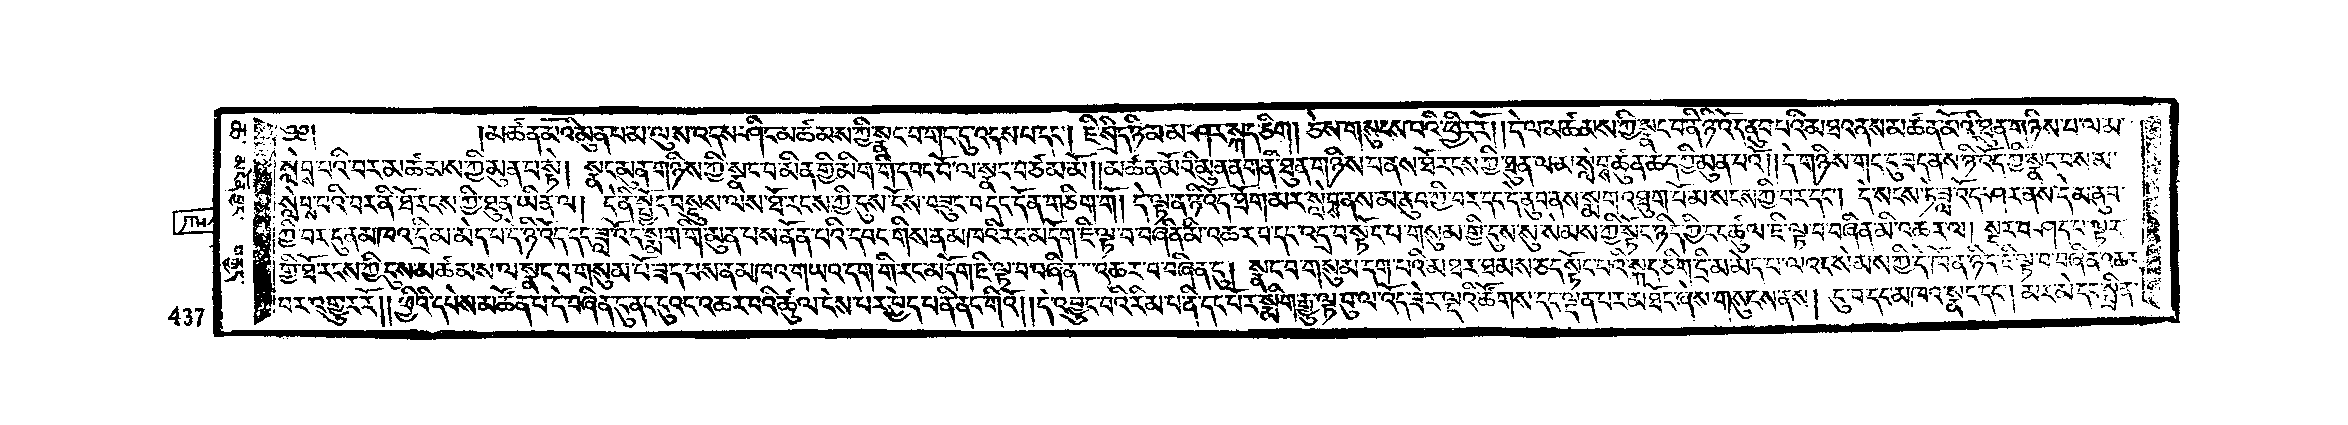༄༅། །མཚན་མོའི་མུན་པ་མ་ལུས་འདས་ཤིང་མཚམས་ཀྱི་སྣང་བ་གང་དུ་འདས་པ་དང་། ཇི་སྲིད་ཉི་མ་མ་ཤར་སྐད་ཅིག །ཅེས་གསུངས་པའི་ཕྱིར་རོ། །དེ་ལ་མཚམས་ཀྱི་སྣང་བ་ནི་ཉི་འོད་ནུབ་པའི་མཐའ་ནས་མཚན་མོའི་ཐུན་གཉིས་པ་ལ་མ་
སླེབས་པའི་བར་མཚམས་ཀྱི་མུན་པ་སྟེ། སྣང་མུན་གཉིས་ཀྱི་སྣང་བ་མིན་གྱི་མིག་གི་དབང་པོ་ལ་སྣང་བ་ཙམ་མོ། །མཚན་མོའི་མུན་ནག་ནི་ཐུན་གཉིས་པ་ནས་ཐོ་རངས་ཀྱི་ཐུན་ལ་མ་སླེབས་ཚུན་ཆད་ཀྱི་མུན་པའོ། །དེ་གཉིས་གང་དུ་ཟད་ནས་ཉི་འོད་ཀྱི་སྣང་བས་མ་
སླེབས་པའི་བར་ནི་ཐོ་རངས་ཀྱི་ཐུན་ཡིན་ལ། དེ་ནི་སྤྱོད་བསྡུས་ལས་ཐོ་རངས་ཀྱི་དུས་ངོས་བཟུང་བ་དང་དོན་གཅིག་གོ། དེ་ལྟ་ན་ཉི་འོད་ཐོག་མར་སླེབས་ནས་མ་ནུབ་ཀྱི་བར་དང་དེ་ནུབ་ནས་སྨག་འཐུག་པོ་མ་སངས་ཀྱི་བར་དང་། དེ་སངས་ཏེ་ཟླ་འོད་ཤར་ནས་དེ་མ་ནུབ་
ཀྱི་བར་དུ་ན་མཁའ་དྲི་མ་མེད་པ་དེ་ཉི་འོད་དང་ཟླ་འོད་སྨག་གི་མུན་པས་ནོན་པའི་དབང་གིས་ནམ་མཁའི་རང་མདོག་ཇི་ལྟ་བ་བཞིན་མི་འཆར་བ་དང་འདྲ་བ་སྟོང་པ་གསུམ་གྱི་དུས་སུ་སེམས་ཀྱི་སྟོང་ཉིད་ཀྱི་ངང་ཚུལ་ཇི་ལྟ་བ་བཞིན་མི་འཆར་ལ། སྔར་བཤད་པ་ལྟར་
གྱི་ཐོ་རངས་ཀྱི་དུས་མཚམས་ལ་སྣང་བ་གསུམ་པོ་ཟད་པས་ནམ་མཁའ་གཡའ་དག་གི་རང་མདོར་ཇི་ལྟ་བ་བཞིན་འཆར་བ་བཞིན་དུ། སྣང་བ་གསུམ་དག་པའི་མཐར་ཐམས་ཅད་སྟོང་པའི་སྐད་ཅིག་དྲི་མ་མེད་པ་ལའང་སེམས་ཀྱི་དེ་ཁོ་ན་ཉིད་ཇི་ལྟ་བ་བཞིན་འཆར་
བར་འགྱུར་རོ། །ཕྱིའི་དཔེས་མཚོན་པ་དེ་བཞིན་དུ་ནང་དུའང་འཆར་བའི་ཚུལ་ངེས་པར་བྱེད་པ་ནི་ནང་གིའོ། །དེ་འབྱུང་བའི་རིམ་པ་ནི་དང་པོར་སྨིག་རྒྱུ་ལྟ་བུ་ལ་འོད་ཟེར་ལྔའི་ཚོགས་དང་ལྡན་པར་མཐོང་ཞེས་གསུངས་ནས། དུ་བ་དང་མཁའ་སྣང་དང་། མར་མེ་དང་སྤྲིན་